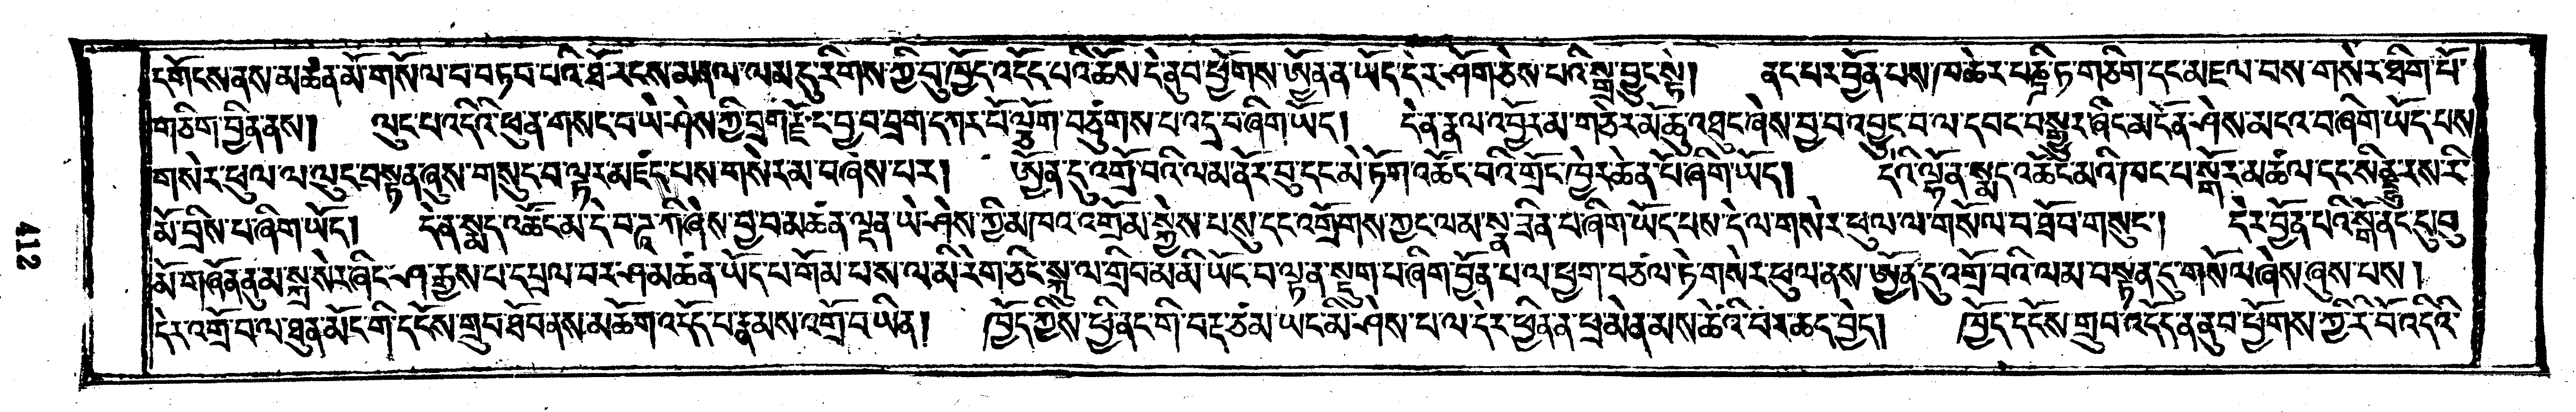དགོངས་ནས་མཚན་མོ་གསོལ་བ་བཏབ་པའི་ཐོ་རངས་མནལ་ལམ་དུ་རིགས་ཀྱི་བུ་ཁྱོད་འདོད་པའི་ཆོས་དེ་ནུབ་ཕྱོགས་ཨཡོན་ན་ཡོད་དེར་ཤོག་ཅེས་པའི་སྒྲ་བྱུང་སྟེ། ནང་པར་བྱོན་པས་ཁ་ཆེར་པཎྜི་ཏ་གཅིག་དང་མཇལ་བས་གསེར་ཐིག་པོ་
གཅིག་བྱིན་ནས། ལུང་པ་འདིའི་ཕུན་གསང་བ་ཡེ་ཤེས་ཀྱི་བྲག་རྫོང་བྱ་བ་བྲག་དཀར་པོ་ལྕོག་བཙུགས་པ་འདྲ་བ་ཞིག་ཡོད། དེ་ན་རྣལ་འབྱོར་མ་གཅེར་མོ་ཆུ་འཐུང་ཞེས་བྱ་བ་འབྱུང་བ་ལ་དབང་བསྒྱུར་ཞིང་མངོན་ཤེས་མངའ་བ་ཞིག་ཡོད་པས་
གསེར་ཕུལ་ལ་ལུང་བསྟན་ཞུས་གསུང་བ་ལྟར་མཛད་པས་གསེར་མ་བཞེས་པར། ཡོན་དུ་འགྲོ་བའི་ལམ་ནོར་བུ་དང་མེ་ཏོག་འཚོང་བའི་གྲོང་ཁྱེར་ཆེན་པོ་ཞིག་ཡོད། དེའི་ལྷོ་ན་སྨད་འཚོང་མའི་ཁང་པ་སྒོར་མཚལ་དང་སིནྡྷུ་རས་རི་
མོ་བྲིས་པ་ཞིག་ཡོད། དེ་ན་སྨད་འཚོང་མ་དེ་བ་ཌཱ་ཀི་ཞེས་བྱ་བ་མཚན་ལྡན་ཡེ་ཤེས་ཀྱི་མཁའ་འགྲོ་མ་སྐྱེས་པ་སུ་དང་འགྲོགས་ཀྱང་ལམ་སྣ་ཟིན་པ་ཞིག་ཡོད་པས་དེ་ལ་གསེར་ཕུལ་ལ་གསོལ་བ་ཐོབ་གསུང་། དེར་བྱོན་པའི་སྒོ་ནང་དུ་བུ་
མོ་གཞོན་ནུ་མ་སྐྲ་སེར་ཞིང་ཤ་རྒྱས་པ་དཔྲལ་བར་ཤ་མཚན་ཡོད་པ་གོམ་པས་ལ་མི་རེག་ཅིང་སྐུ་ལ་གྲིབ་མ་མི་ཡོང་བ་ལྟ་ན་སྡུག་པ་ཞིག་བྱོན་པ་ལ་ཕྱག་བཙལ་ཏེ་གསེར་ཕུལ་ནས་ཨཡོན་དུ་འགྲོ་བའི་ལམ་བསྟན་དུ་གསོལ་ཞེས་ཞུས་པས།
དེར་འགྲོ་བ་ལ་ཐུན་མོང་གི་དངོས་གྲུབ་ཐོབ་ནས་མཆོག་འདོད་པ་རྣམས་འགྲོ་བ་ཡིན། ཁྱོད་ཀྱིས་ཕྱི་ནང་གི་བརྡ་ཙམ་ཡང་མི་ཤེས་པ་ལ་དེར་ཕྱིན་ན་ཕྲ་མེན་མས་ཚེའི་བར་ཆད་བྱེད། ཁྱོད་དངོས་གྲུབ་འདོད་ན་ནུབ་ཕྱོགས་ཀྱི་རི་བོ་འདིའི་